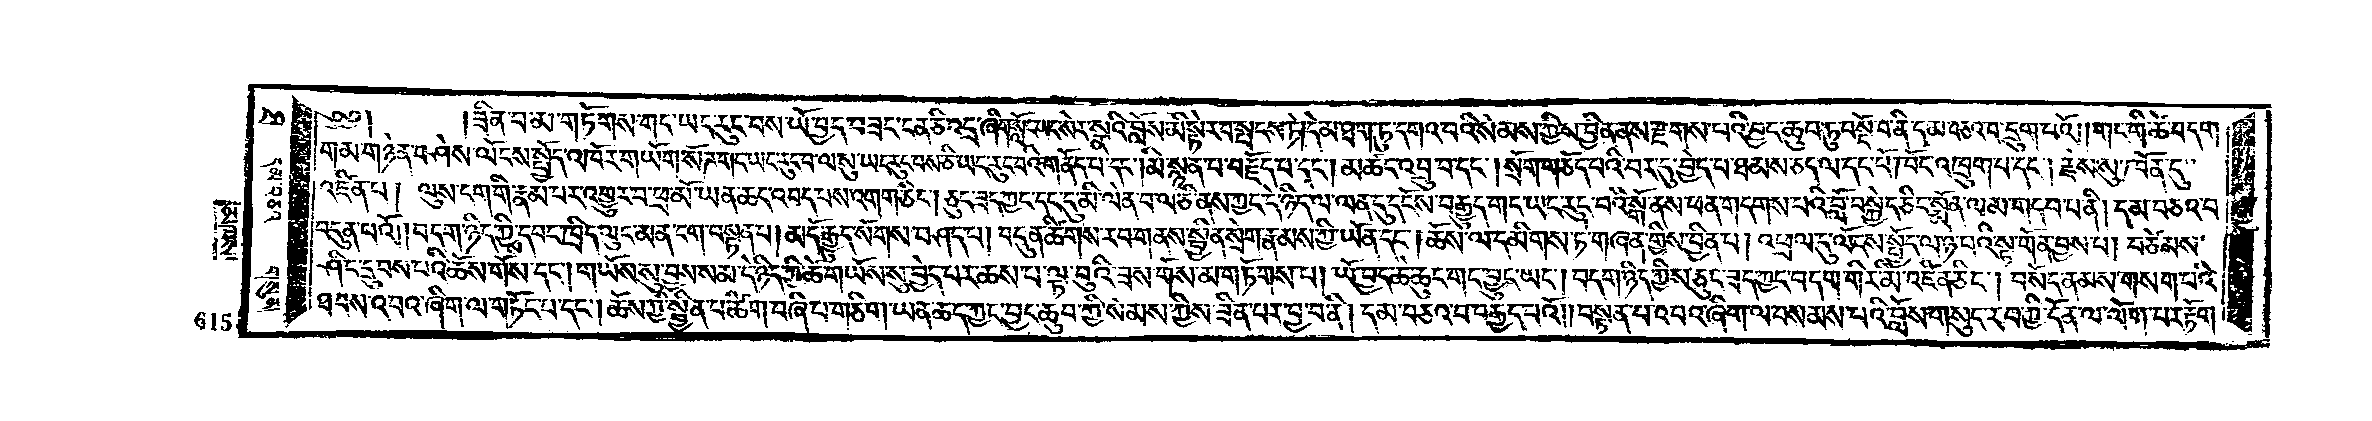༄༅། །ཟིན་པ་མ་གཏོགས་གང་ཡང་རུང་བས་ཡོ་བྱད་བཟང་ངན་ཅི་འདྲ་ཞིག་སློང་ཡང་སེར་སྣའི་བློས་མི་སྟེར་བ་སྤངས་ཏེ། དེ་མ་ཐག་ཏུ་དགའ་བའི་སེམས་ཀྱིས་བྱིན་ནས་རྫགས་པའི་བྱང་ཆུབ་ཏུ་བསྔོ་བ་ནི་དམ་བཅའ་བ་དྲུག་པའོ། །གང་གི་ཚེ་བདག་
གམ་གཉེན་བཤེས་ལོངས་སྤྱོད་འཁོར་གཡོག་སོགས་གང་ཡང་རུང་བ་ལ་སུ་ཡང་རུང་བས་ཅི་ཡང་རུང་བའི་གནོད་པ་དང་། མི་སྙན་པ་བརྗོད་པ་དང་། མཚང་འབྲུ་བ་དང་། སྲོག་གཅོད་པའི་བར་དུ་བྱེད་པ་ཐམས་ཅད་ལ་དང་པོ་ཁོང་འཁྲུག་པ་དང་། རྗེས་སུ་ཁོན་དུ་
འཛིན་པ། ལུས་ངག་གི་རྣམ་པར་འགྱུར་བ་ཕྲ་མོ་ཡན་ཆད་འབད་པས་འགག་ཅིང་། ཅུང་ཟད་ཀྱང་དང་དུ་མི་ལེན་པ་ལ་ཅི་ནས་ཀྱང་དེ་ཉིད་ལ་ལན་དུ་དངོས་བརྒྱུད་གང་ཡང་རུང་བའི་སྒོ་ནས་ཕན་གདགས་པའི་བློ་བསྐྱེད་ཅིང་སྨོན་ལམ་གདབ་པ་ནི། དམ་བཅའ་བ་
བདུན་པའོ། །བདག་ཉིད་ཀྱིས་དབང་ཁྲིད་ལུང་མན་ངག་བསྟན་པ། མདོ་རྒྱུད་སོགས་བཤད་པ། བདུན་ཚིགས་རབ་གནས་སྦྱིན་སྲེག་རྣམས་ཀྱི་ཡོན་དང་། ཆོས་ལ་དམིགས་ཏེ་གཞན་གྱིས་བྱིན་པ། འཕྲལ་དུ་ལོངས་སྤྱོད་ལ་ཉེ་བའི་སྟ་གོན་བྱས་པ། བཙེམས་
ཤིང་དྲུབས་པའི་ཆོས་གོས་དང་། གཡོས་སུ་བྱས་སམ་དེ་ཉིད་ཀྱི་ཚེ་གཡོས་སུ་བྱེད་པར་ཆས་པ་ལྟ་བུའི་ཟས་གོས་མ་གཏོགས་པ། ཡོ་བྱད་ཆེ་ཆུང་གང་བྱུང་ཡང་། བདག་ཉིད་ཀྱིས་ཅུང་ཟད་ཀྱང་བདག་གིར་མི་འཛིན་ཅིང་། བསོད་ནམས་གསག་པའི་
ཐབས་འབའ་ཞིག་ལ་གཏོང་པ་དང་། ཆོས་ཀྱི་སྦྱིན་པ་ཚིག་བཞི་པ་གཅིག་ཡན་ཆད་ཀྱང་བྱང་ཆུབ་ཀྱི་སེམས་ཀྱིས་ཟིན་པར་བྱ་བ་ནི། དམ་བཅའ་བ་བརྒྱད་པའོ། །བསྟན་པ་འབའ་ཞིག་ལ་བསམས་པའི་བློས་གསུང་རབ་ཀྱི་དོན་ལ་ལོག་པར་རྟོག་